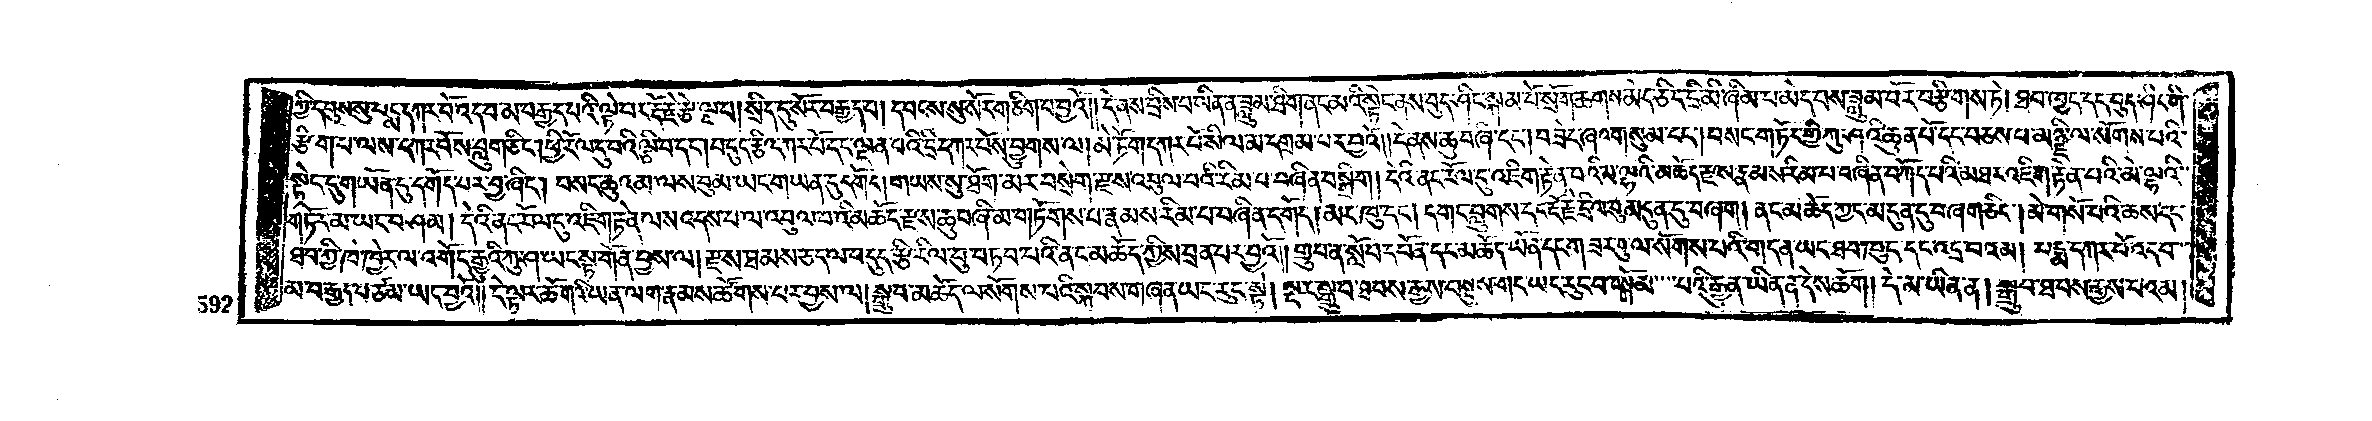༄༅། །ཀྱི་དབུས་སུ་པདམ་དཀར་པོ་འདབ་མ་བརྒྱད་པའི་ལྟེ་བར་རྡོ་རྗེ་རྩེ་ལྔ་བ། སྲིད་དུ་སོར་བརྒྱད་པ། དབངས་སུ་སོར་གཅིག་པ་བྱའོ། །དེ་ནས་བྲིས་པ་ཡིན་ན་ཟླུམ་ཐིག་ནང་མའི་སྟེང་ནས་བུད་ཤིང་སྐམ་པོ་སྲོག་ཆགས་མེད་ཅིང་དྲི་མི་ཞིམ་པ་མེད་པས་ཟླུམ་བོར་བརྩིགས་ཏེ། ཐབ་ཁྱད་དང་བུད་ཤིང་གི་
རྩིག་པ་ལས་དཀར་པོས་བླུག་ཅིང་། ཕྱི་རོལ་དུ་བའི་ལྕི་བ་དང་། བདུད་རྩི་དཀར་པོ་དང་ལྡན་པའི་དྲི་དཀར་པོས་བྱུགས་ལ། མེ་ཏོག་དཀར་པོ་སིལ་མ་དགྲམ་པར་བྱའོ། །དེ་ནས་ཆུ་བཞི་དང་། བཟེང་ཞལ་གསུམ་དང་། བསང་གཏོར་གྱི་ཀུ་ཤའི་ཆུན་པོ་དང་བཅས་པ་མཉྫི་ལ་སོགས་པའི་
སྟེང་དུ་གཡོན་དུ་དགོད་པར་བྱ་ཞིང་། བསང་ཆུའམ་ལས་བུམ་ཡང་གཡས་སུ་དགོང་། གཡས་སུ་ཐོག་མར་བསྲེག་རྫས་འབུལ་བའི་རིམ་པ་བཞིན་བསྒྲིག། དེའི་ནང་རོལ་དུ་འཇིག་རྟེན་པའི་?་ལྷའི་མཆོད་རྫས་རྣམས་རིམ་པ་བཞིན་བཀོད་པའི་མཐར་འཇིག་རྟེན་པའི་མེ་ལྷའི་
གཏོར་མ་ཡང་བཤམ། དེའི་ནང་རོལ་དུ་འཇིག་རྟེན་ལས་འདས་པ་ལ་འབུལ་བའི་མཆོད་རྫས་ཆུ་བཞི་མ་གཏོགས་པ་རྣམས་རིམ་པ་བཞིན་དགོད། མར་ཁུ་དང་། དགང་བླུགས་དང་རྡོ་རྗེ་དྲིལ་བུ་མདུན་དུ་བཞག། ནང་མཆོད་ཀྱང་མདུན་དུ་བཞག་ཅིང་། མེ་གསོ་པའི་ཆས་དང་
ཐབ་ཀྱི་ཁ་ཁྱེར་ལ་འགོད་རྒྱུའི་ཀུ་ཤ་ཡང་སྟ་གོན་བྱས་ལ། རྫས་ཐམས་ཅད་ལ་བདུད་རྩི་རིལ་བུ་བཏབ་པའི་ནང་མཆོད་ཀྱིས་བྲན་པར་བྱའོ། །གྲུབ་ན་སློབ་དཔོན་དང་མཆོད་ཡོན་དང་གཟར་བུ་ལ་སོགས་པའི་གདན་ཡང་ཐབ་ཁུང་དང་འདྲ་བའམ། པདམ་དཀར་པོ་འདབ་
མ་བརྒྱད་པ་ཙམ་ཡང་བྱའོ། །དེ་ལྟར་ཆོ་གའི་ཡན་ལག་རྣམས་ཚོགས་པར་བྱས་ལ། སྒྲུབ་མཆོད་ལ་སོགས་པའི་སྐབས་གཞན་ཡང་རུང་སྟེ། སྔར་སྒྲུབ་ཐབས་རྒྱས་བསྡུས་གང་ཡང་རུང་བ་བསྒོམ་པའི་རྒྱུན་ཡིན་ན་དེས་ཆོག། དེ་མ་ཡིན་ན། སྒྲུབ་ཐབས་རྒྱས་པའམ།